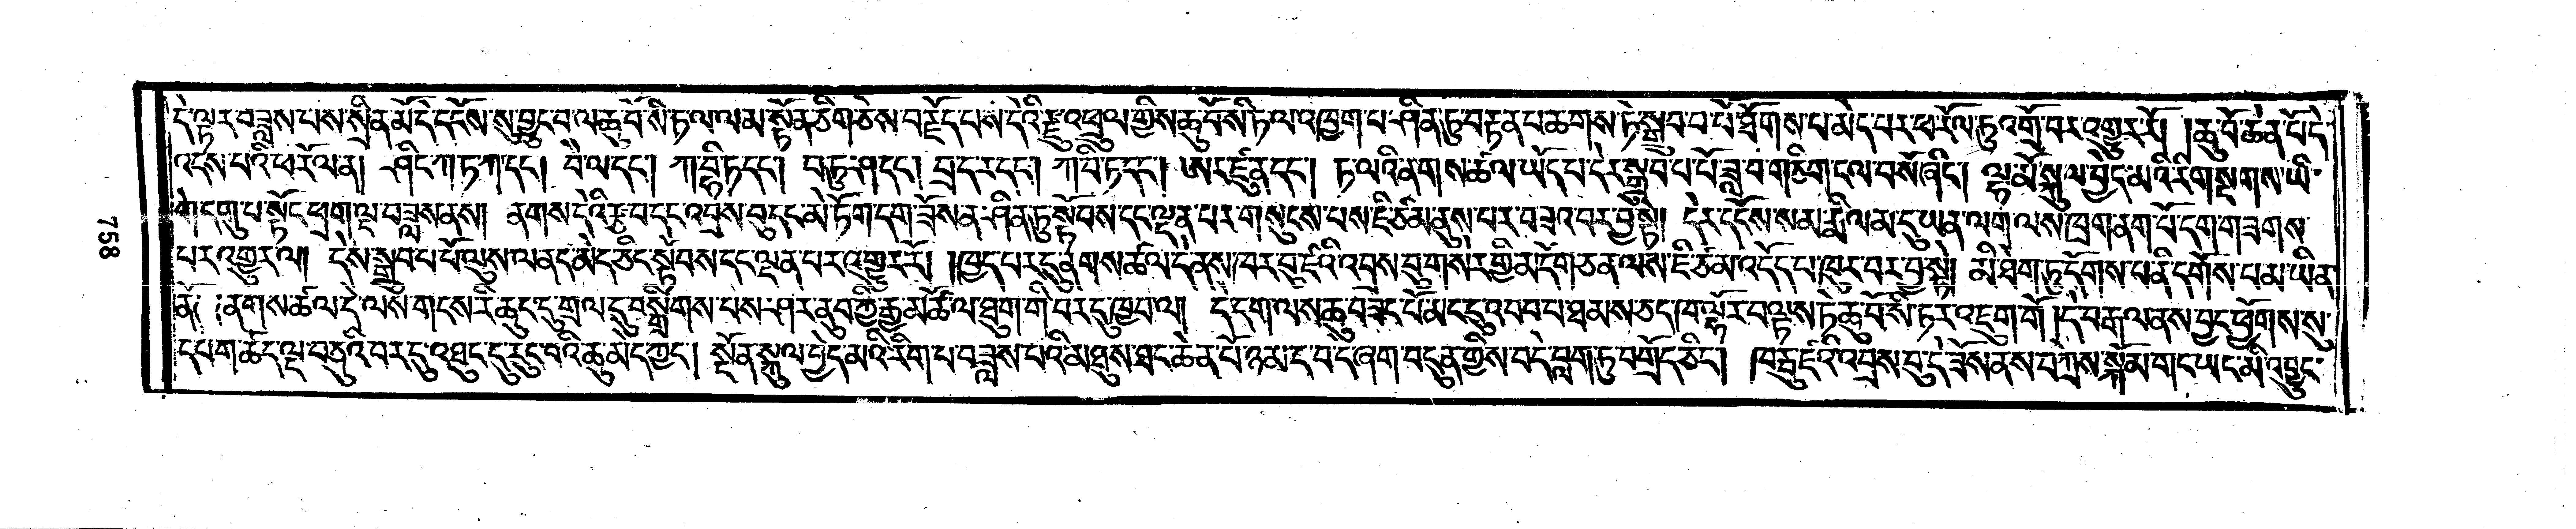དེ་ལྟར་བཟླས་པས་སྲིན་མོ་དེ་དངོས་སུ་བྱུང་བ་ལ་ཆུ་བོ་སི་ཏ་ལ་ལམ་སྟོན་ཅིག་ཅེས་བརྗོད་པས་དེའི་རྫུ་འཕྲུལ་གྱིས་ཆུ་བོ་སི་ཏ་ལ་འཁྱག་པ་ཤིན་ཏུ་བརྟན་པ་ཆགས་ཏེ་སྒྲུབ་པ་ཕོ་ཐོགས་པ་མེད་པར་ཕ་རོལ་ཏུ་འགྲོ་བར་འགྱུར་རོ། །ཆུ་བོ་ཆེན་པོ་དེ་
འདས་པའི་ཕ་རོལ་ན། ཤིང་ཀ་ཏ་ཀ་དང་། བཻ་ལ་དང་། ཀ་བྷི་ཏ་དང་། བ་ཏུ་ཤ་དང་། བྲ་ད་ར་དང་། ཀ་བི་ཏ་དང་། ཨར་ཛུན་དང་། ཏ་ལའི་ནགས་ཚལ་ཡོད་པ་དེར་སྒྲུབ་པ་པོ་ཟླ་བ་གཅིག་ངལ་བསོ་ཞིང་། ལྷ་མོ་སྐུལ་བྱེད་མའི་རིག་སྔགས་ཡི་
གེ་དགུ་པ་སྟོང་ཕྲག་ལྔ་བཟླས་ནས། ནགས་དེའི་རྩ་བ་དང་འབྲས་བུ་དང་མེ་ཏོག་དག་ཟོས་ན་ཤིན་ཏུ་སྟོབས་དང་ལྡན་པར་གསུངས་པས་ཇི་ཙམ་ནུས་པར་བཟའ་བར་བྱ་སྟེ། དེར་དངོས་སམ་རྨི་ལམ་དུ་ཡན་ལག་ལས་ཁྲག་ནག་པོ་དག་གཟགས་
པར་འགྱུར་ལ། དེས་སྒྲུབ་པ་པོ་ལུས་ལ་ནད་མེད་ཅིང་སྟོབས་དང་ལྡན་པར་འགྱུར་རོ། །ཁྱད་པར་དུ་ནགས་ཚལ་དེ་ནས་ཁར་བུ་ཛའི་འབྲས་བུ་གསེར་གྱི་མདོག་ཅན་ལས་ཇི་ཙམ་འདོད་པ་ཁུར་བར་བྱ་སྟེ། མི་ཐེག་ཏུ་དོགས་པ་ནི་དགོས་པ་མ་ཡིན་
ནོ༑ ༑ནགས་ཚལ་དེ་ལས་གངས་རི་ཆུང་དུ་གྲལ་དུ་བསྒྲིགས་པས་ཤར་ནུབ་ཀྱི་རྒྱ་མཚོ་ལ་ཐུག་གི་བར་དུ་ཁྱབ་ལ། དེ་དག་ལས་ཆུ་བཟང་པོ་མང་དུ་འབབ་པ་ཐམས་ཅད་ཁ་ལྷོར་བལྟས་ཏེ་ཆུ་བོ་སི་ཏར་འཇུག་གོ། །དེ་བརྒལ་ནས་བྱང་ཕྱོགས་སུ་
དཔག་ཚད་ལྔ་བཅུའི་བར་དུ་འཐུང་དུ་རུང་བའི་ཆུ་མེད་ཀྱང་། སྔོན་སྐུལ་བྱེད་མའི་རིག་པ་བཟླས་པའི་མཐུས་ཐང་ཆེན་པོ་ཉམ་ད་བ་དེ་ཞག་བདུན་གྱིས་བདེ་བླག་ཏུ་བགྲོད་ཅིང་། ཁར་བུ་ཛའི་འབྲས་བུ་དེ་ཟོས་ནས་བཀྲེས་སྐོམ་གང་ཡང་མི་འབྱུང་